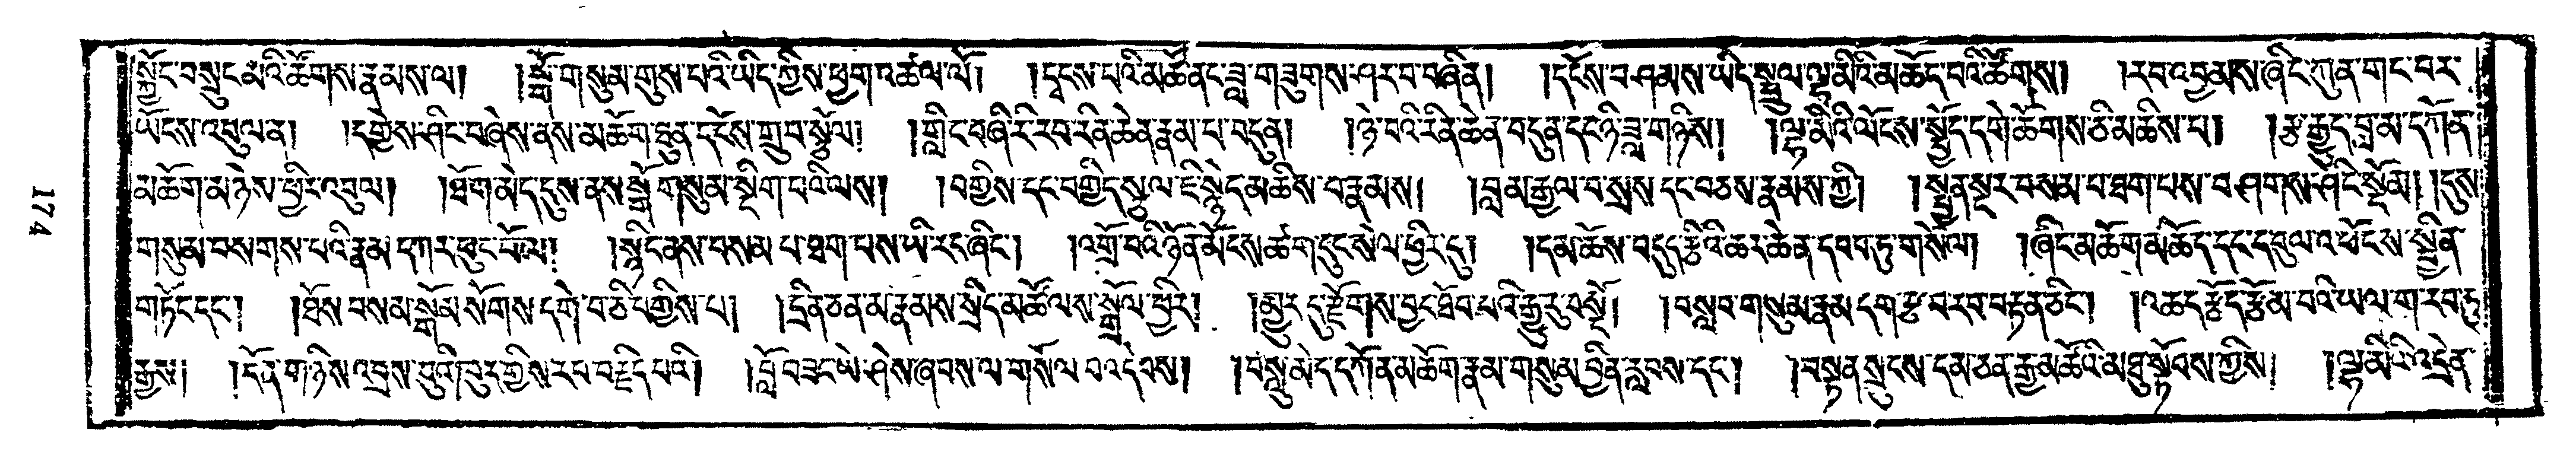སྐྱོང་བསྲུང་མའི་ཚོགས་རྣམས་ལ། །སྒོ་གསུམ་གུས་པའི་ཡིད་ཀྱིས་ཕྱག་འཚལ་ལོ། །དྭངས་པའི་མཚོ་ནང་ཟླ་གཟུགས་ཤར་བ་བཞིན། །དངོས་བཤམས་ཡིད་སྤྲུལ་ལྷ་མིའི་མཆོད་བའི་ཚོགས། །རབ་འབྱམས་ཞིང་ཀུན་གང་བར་
ཡོངས་འབུལ་ན། །དགྱེས་ཤིང་བཞེས་ནས་མཆོག་ཐུན་དངོས་གྲུབ་སྩོལ། །གླིང་བཞི་རི་རབ་རིན་ཆེན་རྣམ་པ་བདུན། །ཉེ་བའི་རིན་ཆེན་བདུན་དང་ཉི་ཟླ་གཉིས། །ལྷ་མིའི་ལོངས་སྤྱོད་དགེ་ཆོགས་ཅི་མཆིས་པ། །རྩ་རྒྱུད་བླ་མ་དཀོན་
མཆོག་མཉེས་ཕྱིར་འབུལ། །ཐོག་མེད་དུས་ནས་སྒོ་གསུམ་སྡིག་པའི་ལས། །བགྱིས་དང་བགྱིད་སྩལ་ཇི་སྙེད་མཆིས་བ་རྣམས། །བླ་མ་རྒྱལ་བ་སྲས་དང་བཅས་རྣམས་ཀྱི། །སྤྱན་སྔར་བསམ་པ་ཐག་པས་བཤགས་ཤིང་སྡོམ། །དུས་
གསུམ་བསགས་པའི་རྣམ་དཀར་ཕུང་པོ་ལ། །སྙིང་ནས་བསམ་པ་ཐག་པས་ཡི་རང་ཞིང་། །འགྲོ་བའི་ཉོན་མོངས་ཚག་དུང་སེལ་ཕྱིར་དུ། །དམ་ཆོས་བདུད་རྩིའི་ཆར་ཆེན་དབབ་ཏུ་གསོལ། །ཞིང་མཆོག་མཆོད་དང་དབུལ་འཕོངས་སྦྱིན་
གཏོང་དང་། །ཐོས་བསམ་སྒོམ་སོགས་དགེ་བ་ཅི་བགྱིས་པ། །དྲིན་ཅན་མ་རྣམས་སྲིད་མཚོ་ལས་སྒྲོལ་ཕྱིར། །མྱུར་དུ་རྫོགས་བྱང་ཐོབ་པའི་རྒྱུ་རུ་བསྔོ། །བསླབ་གསུམ་རྣམ་དག་རྩ་བ་རབ་བརྟན་ཅིང་། །འཆད་རྩོད་རྩོམ་བའི་ཡལ་ག་རབ་ཏུ་
རྒྱས། །དོན་གཉིས་འབྲས་བུའི་ཁུར་གྱིས་རབ་བརྗིད་པའི། །བློ་བཟང་ཡེ་ཤེས་ཞབས་ལ་གསོལ་བ་འདེབས། །བསླུ་མེད་དཀོན་མཆོག་རྣམ་གསུམ་བྱིན་རླབས་དང་། །བསྟན་བསྲུངས་དམ་ཅན་རྒྱ་མཚོའི་མཐུ་སྟོབས་ཀྱིས། །ལྷ་མིའི་འདྲེན་